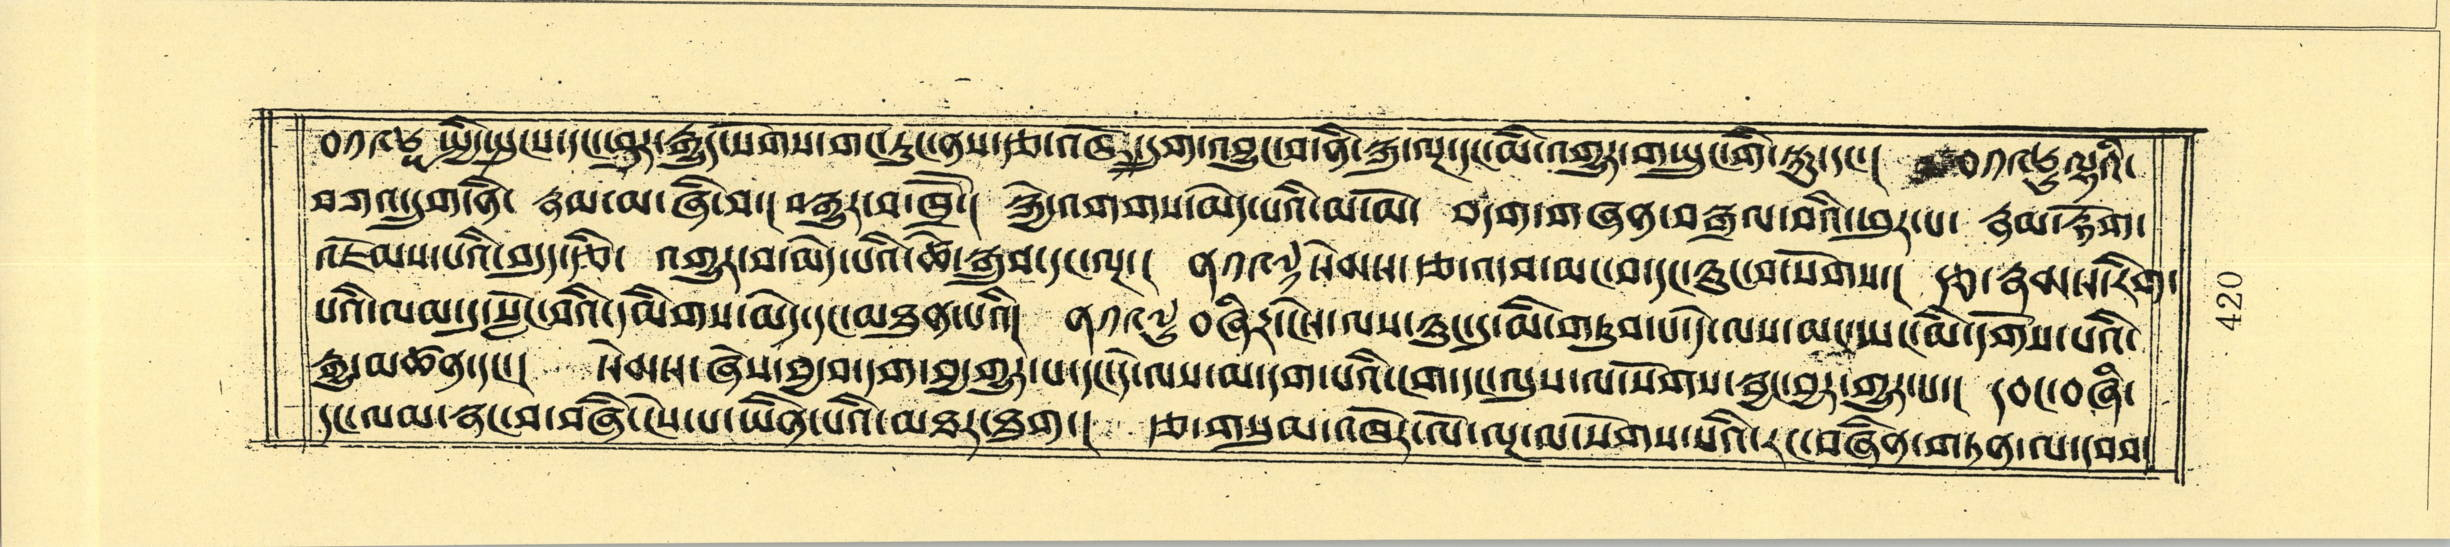བ༡༩༦།༥སྤྱི་སྤུངས་དང་ཕུར་རྒྱུད་སོགས་གང་རུང་ནས་རྩ་འཁོར་དྲུག་འབྱུང་བ་ནི་སྐུ་ལྔ་དང་མི་འགྱུར་གཡུང་དྲུང་གི་སྐུ་དང་། བ༡༩༦།༦༼ལྷའི་༽
བཀའ་དྲུག་ནི་རྣལ་མ་ཞི་བ་བསྒྱུར་བ་ཁྲོ་བོ་སྐྱེ་འགག་མེད་པ་མ་མོ་བདག་གཞན་བསྒྲལ་བའི་ཕུར་པ་རྣམ་རྟོག་
འཇོམས་པའི་བདུད་རྩི་འགྱུར་བ་མེད་པའི་ཚེ་སྒྲུབ་དང་ལྔ་ན༡༩༧།༡ ༼སེམས༽རྩ་འདབ་མང་བ་དང་ཉུང་བ་སོགས་༼རྩ་རྣམས༽རིག་
པའི་ལམ་དུ་སློང་བའི་དམིགས་མེད་དང་མཐུན་པའི་ན༡༩༧།༦༼བཞིོར༽ངེས་ལས་ཉུང་དུ་མི་བཏུབ་པ་དེ་ལས་མང་ཡང་མི་དགོས་པའི་
རྒྱུ་མཚན་དང་སེམས་ཞེས་བྱ་བ་དག་བྱ་གྱུར་པ་དང་། དེ་ལས་མ་དག་པའི་ངག་དང་ལུས་ལ་སོགས་སྦྱང་བྱར་གྱུར་པ་༼དབང་བཞི༽
དང་ལམ་སྣང་བ་བཞི་ངེས་པ་ཡིན་པའི་མཐར་ཐུག་རྩ་གསུམ་འཁོར་ལོ་ལྔ་ལ་སོགས་པའི་རང་བཞིན་གཏན་ལ་དབབ་